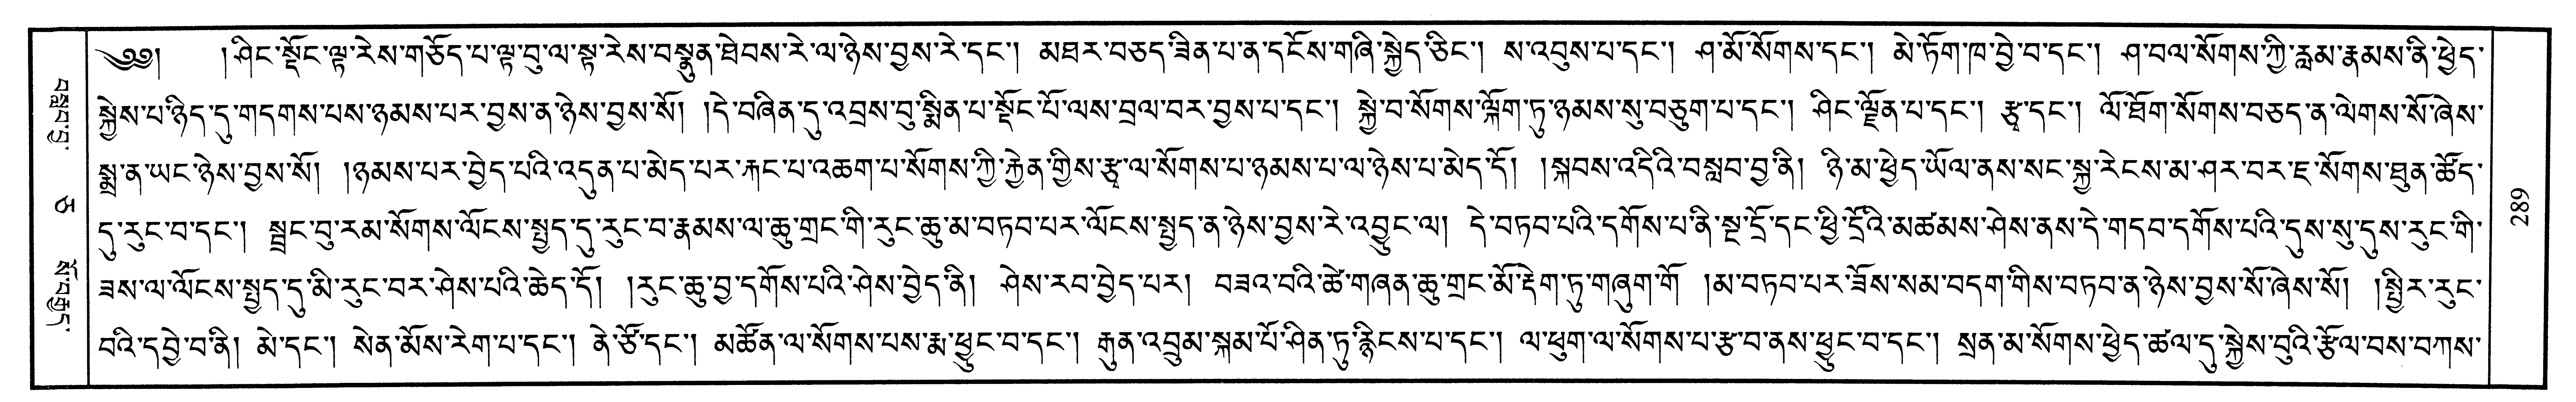༄༅། །ཤིང་སྡོང་ལྟ་རེས་གཅོད་པ་ལྟ་བུ་ལ་སྟ་རེས་བསྣུན་ཐེབས་རེ་ལ་ཉེས་བྱས་རེ་དང་། མཐར་བཅད་ཟིན་པ་ན་དངོས་གཞི་སྐྱེད་ཅིང་། ས་འབུས་པ་དང་། ཤ་མོ་སོགས་དང་། མེ་ཏོག་ཁ་བྱེ་བ་དང་། ཤ་བལ་སོགས་ཀྱི་རླམ་རྣམས་ནི་ཕྱེད་
སྐྱེས་པ་ཉིད་དུ་གདགས་པས་ཉམས་པར་བྱས་ན་ཉེས་བྱས་སོ། །དེ་བཞིན་དུ་འབྲས་བུ་སྨིན་པ་སྡོང་པོ་ལས་བྲལ་བར་བྱས་པ་དང་། སྐྱེ་བ་སོགས་ལྐོག་ཏུ་ཉམས་སུ་བཅུག་པ་དང་། ཤིང་ལྗོན་པ་དང་། རྩྭ་དང་། ལོ་ཐོག་སོགས་བཅད་ན་ལེགས་སོ་ཞེས་
སྨྲ་ན་ཡང་ཉེས་བྱས་སོ། །ཉམ་སྤར་བྱེད་པའི་འདུན་པ་མེད་པར་རྐང་པ་འཆག་པ་སོགས་ཀྱི་རྐྱེན་གྱིས་རྩྭ་ལ་སོགས་པ་ཉམས་པ་ལ་ཉེས་པ་མེད་དོ། །སྐབས་འདིའི་བསླབ་བྱ་ནི། ཉི་མ་ཕྱེད་ཡོལ་ནས་སང་སྐྱ་རེངས་མ་ཤར་བར་ཇ་སོགས་ཐུན་ཚོད་
དུ་རུང་བ་དང་། སྦྲང་བུ་རམ་སོགས་ལོངས་སྤྱད་དུ་རུང་བ་རྣམས་ལ་ཆུ་གྲང་གི་རུང་ཆུ་མ་བཏབ་པར་ལོངས་སྤྱད་ན་ཉེས་བྱས་རེ་འབྱུང་ལ། དེ་བཏབ་པའི་དགོས་པ་ནི་སྔ་དྲོ་དང་ཕྱི་དྲོའི་མཚམས་ཤེས་ནས་དེ་གདབ་དགོས་པའི་དུས་སུ་དུས་རུང་གི་
ཟས་ལ་ལོངས་སྤྱད་དུ་མི་རུང་བར་ཤེས་པའི་ཆེད་དོ། །རུང་ཆུ་བྱ་དགོས་པའི་ཤེས་བྱེད་ནི། ཤེས་རབ་བྱེད་པར། བཟའ་བའི་ཚེ་གཞན་ཆུ་གྲང་མོ་རྡེག་ཏུ་གཞུག་གོ །མ་བཏབ་པར་ཟོས་སམ་བདག་གིས་བཏབ་ན་ཉེས་བྱས་སོ་ཞེས་སོ། །སྤྱིར་རུང་
བའི་དབྱེ་བ་ནི། མེ་དང་། སེན་མོས་རེག་པ་དང་། ནེ་ཙོ་དང་། མཚོན་ལ་སོགས་པས་རྨ་ཕྱུང་བ་དང་། རྒུན་འབྲུམ་སྐམ་པོ་ཤིན་ཏུ་རྙིངས་པ་དང་། ལ་ཕུག་ལ་སོགས་པ་རྩ་བ་ནས་ཕྱུང་བ་དང་། སྲན་མ་སོགས་ཕྱེད་ཚལ་དུ་སྐྱེས་བུའི་རྩོལ་བས་བཀས་